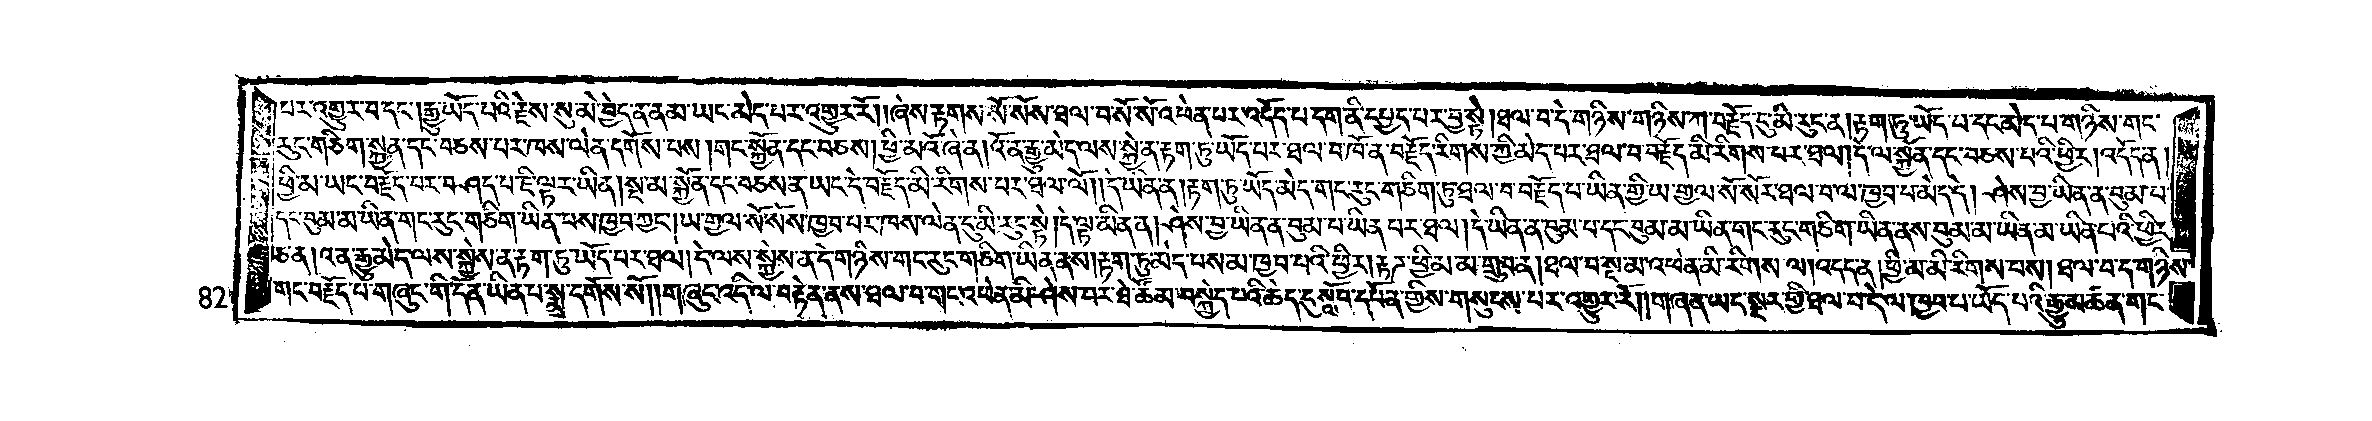པར་འགྱུར་བ་དང་། རྒྱུ་ཡོད་པའི་རྗེས་སུ་མི་བྱེད་ན་ནམ་ཡང་མེད་པར་འགྱུར་རོ། །ཞེས་རྟགས་སོ་སོས་ཐལ་བ་སོ་སོ་འཕེན་པར་འདོད་པ་དག་ནི་དཔྱད་པར་བྱ་སྟེ། ཐལ་བ་དེ་གཉིས་གཉིས་ཀ་བརྗོད་དུ་མི་རུང་ན། རྟག་ཏུ་ཡོད་པ་དང་མེད་པ་གཉིས་གང་
རུང་གཅིག་སྐྱོན་དང་བཅས་པར་ཁས་ལེན་དགོས་པས། གང་སྐྱོན་དང་བཅས། ཕྱི་མའོ་ཞེ་ན། འོ་ན་རྒྱུ་མེད་ལས་སྐྱེ་ན་རྟག་ཏུ་ཡོད་པར་ཐལ་བ་ཁོ་ན་བརྗོད་རིགས་ཀྱི་མེད་པར་ཐལ་བ་བརྗོད་མི་རིགས་པར་ཐལ། དེ་ལ་སྐྱོན་དང་བཅས་པའི་ཕྱིར། འདོད་ན།
ཕྱི་མ་ཡང་བརྗོད་པར་བཤད་པ་ཇི་ལྟར་ཡིན། སྔ་མ་སྐྱོན་དང་བཅས་ན་ཡང་དེ་བརྗོད་མི་རིགས་པར་ཐལ་ལོ། །དེ་ཡིན་ན། རྟག་ཏུ་ཡོད་མེད་གང་རུང་གཅིད་ཏུ་ཐལ་བ་བརྗོད་པ་ཡིན་གྱི་ཡ་གྱལ་སོ་སོར་ཐལ་བ་ལ་ཁྱབ་པ་མེད་དེ། ཤེས་བྱ་ཡིན་ན་བུམ་པ་
དང་བུམ་མ་ཡིན་གང་རུང་གཅིག་ཡིན་པས་ཁྱབ་ཀྱང་། ཡ་གྱལ་སོ་སོས་ཁྱབ་པར་ཁས་ལེན་དུ་མི་རུང་སྟེ། དེ་ལྟ་མིན་ན། ཤེས་བྱ་ཡིན་ན་བུམ་པ་ཡིན་པར་ཐལ། དེ་ཡིན་ན་བུམ་པ་དང་བུམ་མ་ཡིན་གང་རུང་གཅིག་ཡིན་ནས་བུམ་མ་ཡིན་མ་ཡིན་པའི་ཕྱིར་
ཅེ་ན། འོ་ན་རྒྱུ་མེད་ལས་སྐྱེས་ན་རྟག་ཏུ་ཡོད་པར་ཐལ། དེ་ལས་སྐྱེས་ན་དེ་གཉིས་གང་རུང་གཅིག་ཡིན་ནས། རྟག་ཏུ་མེད་པས་མ་ཁྱབ་པའི་ཕྱིར། རྟགས་ཕྱི་མ་མ་གྲུབ་ན། ཐལ་བ་སྔ་མ་འཕེན་མི་རིགས་ལ། འདོད་ན། ཕྱི་མ་མི་རིགས་པས། ཐལ་བ་དེ་གཉིས་
གང་བརྗོད་པ་གཞུང་གི་དོན་ཡིན་པ་སྨྲ་དགོས་སོ། །གཞུང་འདི་ལ་བརྟེན་ནས་ཐལ་བ་གང་འཕེན་མི་ཤེས་པར་ཐེ་ཚོམ་བསྐྱེད་པའི་ཆེད་དུ་སློབ་དཔོན་གྱིས་གསུངས་པར་འགྱུར་རོ། །གཞན་ཡང་སྔར་གྱི་ཐལ་བ་དེ་ལ་ཁྱབ་པ་ཡོད་པའི་རྒྱུ་མཚན་གང་